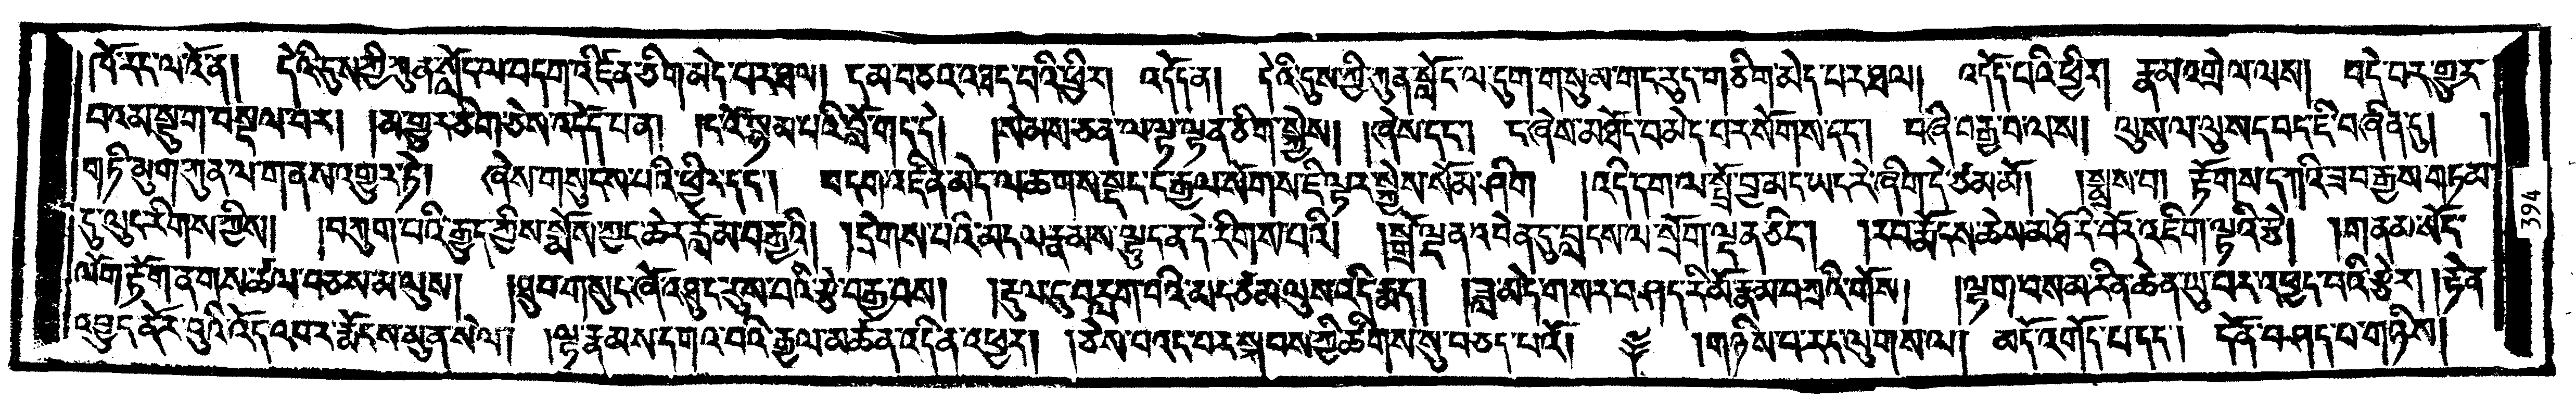ཁོ་རང་ལ་འོ་ན། དེའི་དུས་ཀྱི་ཀུན་སློང་ལ་བདག་འཛིན་ཅིག་མེད་པར་ཐལ། དམ་བཅའ་འཐད་པའི་ཕྱིར། འདོད་ན། དེའི་དུས་ཀྱི་ཀུན་སློང་ལ་དུག་གསུམ་གང་རུང་གཅིག་མེད་པར་ཐལ། འདོད་པའི་ཕྱིར། རྣམ་འགྲེལ་ལས། བདེ་བར་གྱུར་
བའམ་སྡུག་བསྔལ་བར། །མ་གྱུར་ཅིག་ཅེས་འདོད་པ་ན། །ངའོ་སྙམ་པའི་བློ་གང་དེ། །སེམས་ཅན་ལ་ལྟ་ལྷན་ཅིག་སྐྱེས། །ཞེས་དང་། ང་ཞེས་མཐོང་བ་མེད་པར་སོགས་དང་། བཞི་བརྒྱ་བ་ལས། ལུས་ལ་ལུས་དབང་ཇི་བཞིན་དུ། །
གཏི་མུག་ཀུན་ལ་གནས་འགྱུར་ཏེ། ཞེས་གསུངས་པའི་ཕྱིར་དང་། བདག་འཛིན་མེད་ལ་ཆགས་སྡང་ང་རྒྱལ་སོགས་ཇི་ལྟར་སྐྱེས་སོམ་ཤིག །འདི་དག་ལ་སྤྲོ་བྱ་མང་ཡང་རེ་ཞིག་དེ་ཙམ་མོ། །སྨྲས་བ། རྟོགས་དཀའི་ཟབ་རྒྱས་གཏམ་
དུ་ལུང་རིགས་ཀྱིས། །བཀུག་པའི་རྒྱུད་ཀྱིས་སྨོས་ཀྱང་ཆེར་རློམ་བརྒྱའི། །དྲེགས་པའི་མངལ་རྣམས་ལྷུང་ན་དེ་རིགས་པའི། །སྒྲོ་ལྡན་འབེན་དུ་བླངས་ལ་སྲོག་ལྡན་ཅིང་། །རབ་རྨོངས་ཆེས་མཐོ་རི་བོར་འཇིག་ལྟའི་རྩེ། །གནམ་མདོ་
ལོག་རྟོག་ནགས་ཚལ་བཅས་མ་ལུས། །ཐུབ་གསུང་ཞོ་འཐུང་རུས་པའི་རྩེ་བརྒྱ་བས། །རྡུལ་དུ་བརླག་བའི་མང་ཙམ་ལུས་འདི་རྨད། །ཟླ་མེད་གསར་བཤད་རི་མོ་རྣམ་བཀྲའི་གོས། །ལྷག་བསམ་རིན་ཆེན་ཡུ་བར་འཕྱད་པའི་རྩེར། །རྟེན་
འབྱུང་ནོར་བུའི་འོད་འབར་རྨོངས་མུན་སེལ། །ལྷ་རྣམས་དགའ་བའི་རྒྱལ་མཚན་འདི་ན་འཕྱར། །ཅེས་པའང་བར་སྐབས་ཀྱི་ཚིགས་སུ་བཅད་པའོ། ༈ །གཉིས་པ་རང་ལུགས་ལ། མདོ་འགོད་པ་དང་། དོན་བཤད་པ་གཉིས།